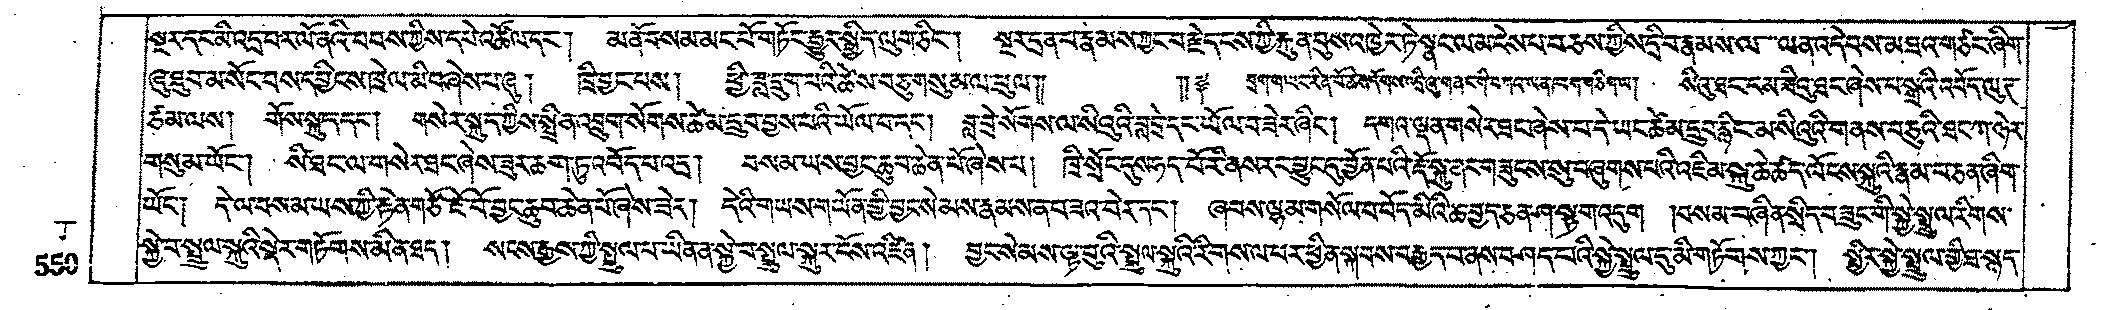སྔར་དང་མི་འདྲ་བར་ལོ་ནའི་བབས་ཀྱིས་དཔེ་འཚོལ་དང་། མནོ་བསམ་མང་པོ་གཏོང་རྒྱུར་སྒྱིད་ལུག་ཅིང་། སྔར་དྲན་པ་རྣམས་ཀྱང་བརྗེད་ངས་ཀྱི་རྐུན་བུས་འཁྱེར་ཏེ་སྣང་ལ་མ་ངེས་པ་བཅས་ཀྱིས་དྲི་བ་རྣམས་ལ་་་་ལན་འདེབས་མཐའ་གཙང་ཞིག་
ཞུ་ཐུབ་མ་སོང་བས་དབྱིངས་ཁྲེལ་མི་བཞེས་པ་ཞུ། ཁྲི་བྱང་པས། ཕྱི་ཟླ་དྲུག་པའི་ཚེས་བཅུ་གསུམ་ལ་ཕུལ།། །།འ་བྲག་གཡབ་རིན་པོ་ཆེས་དོགས་འདྲི་ཞུ་གནང་གི་བཀའ་ལན་ཁག་གཅིག་ལ།  སིའུ་ཐང་ངམ་ཟིའུ་ཐང་ཞེས་པ་སྒྲའི་འབོད་ལུཌ་
ཙམ་ལས། གོས་སྐུད་དང་། གསེར་སྐུད་ཀྱིས་སྤྲིན་འབྲུག་སོགས་ཚེམ་དྲུབ་བྱས་པའི་ཡོལ་བ་དང་། བླ་བྲེ་སོགས་ལ་སིའུའི་བླ་བྲེ་དང་ཡོལ་བ་ཟེར་ཞིང་། དགའ་ལྡན་གསེར་ཐང་ཞེས་པ་དེ་ཡང་ཚེམ་དྲུབ་རྙིང་མ་སིའུའི་གནས་བཅུའི་ཐང་ཀ་ཉེར་
གསུམ་ཡོང་། སི་ཐང་ལ་གསེར་ཐང་ཞེས་ཟུར་ཆག་ཏུ་འབོད་པ་འདྲ། བསམ་ཡས་བྱང་ཆུབ་ཆེན་པོ་ཞེས་པ། ཁྲི་སྲོང་དུས་ཐད་པོ་རི་ནས་རང་བྱུང་དུ་བྱོན་པའི་རྡོ་སྐུ་ནང་གཟུངས་སུ་བཞུགས་པའི་འཇིམ་སྐུ་ཆེ་ཚད་ལོངས་སྐུའི་རྣམ་པ་ཅན་ཞིག་
ཡོང་། དེ་ལ་བསམ་ཡས་ཀྱི་རྟེན་གཙོ་ཇོ་བོ་བྱང་ཆུབ་ཆེན་པོ་ཞེས་ཟེར། དེའི་གཡས་གཡོན་གྱི་བྱང་སེམས་རྣམས་ན་བཟའ་བེར་དང་། ཞབས་ལྷམ་གསོལ་བ་བོད་མའི་ཆ་བྱད་ཅན་ཤ་སྟག་འདུག །བསམ་བཞིན་སྲིད་བཟུང་གི་སྐྱེ་སྤྲུལ་རིགས་
སྐྱེ་བ་སྤྲུལ་སྐུའི་སྡེར་གཏོགས་མིན་ཐད། སངས་རྒྱས་ཀྱི་སྤྲུལ་པ་ཡིན་ན་སྐྱེ་བ་སྤྲུལ་སྐུར་ངོས་འཛིན། བྱང་སེམས་ལྟ་བུའི་སྤྲུལ་སྐུའི་རིགས་ལ་ཕར་ཕྱིན་སྐབས་བརྒྱད་པ་ནས་བཤད་པའི་སྐྱེ་སྤྲུལ་དུ་མི་གཏོགས་ཀྱང་། སྤྱིར་སྐྱེ་སྤྲུལ་གྱི་ཐ་སྙད་